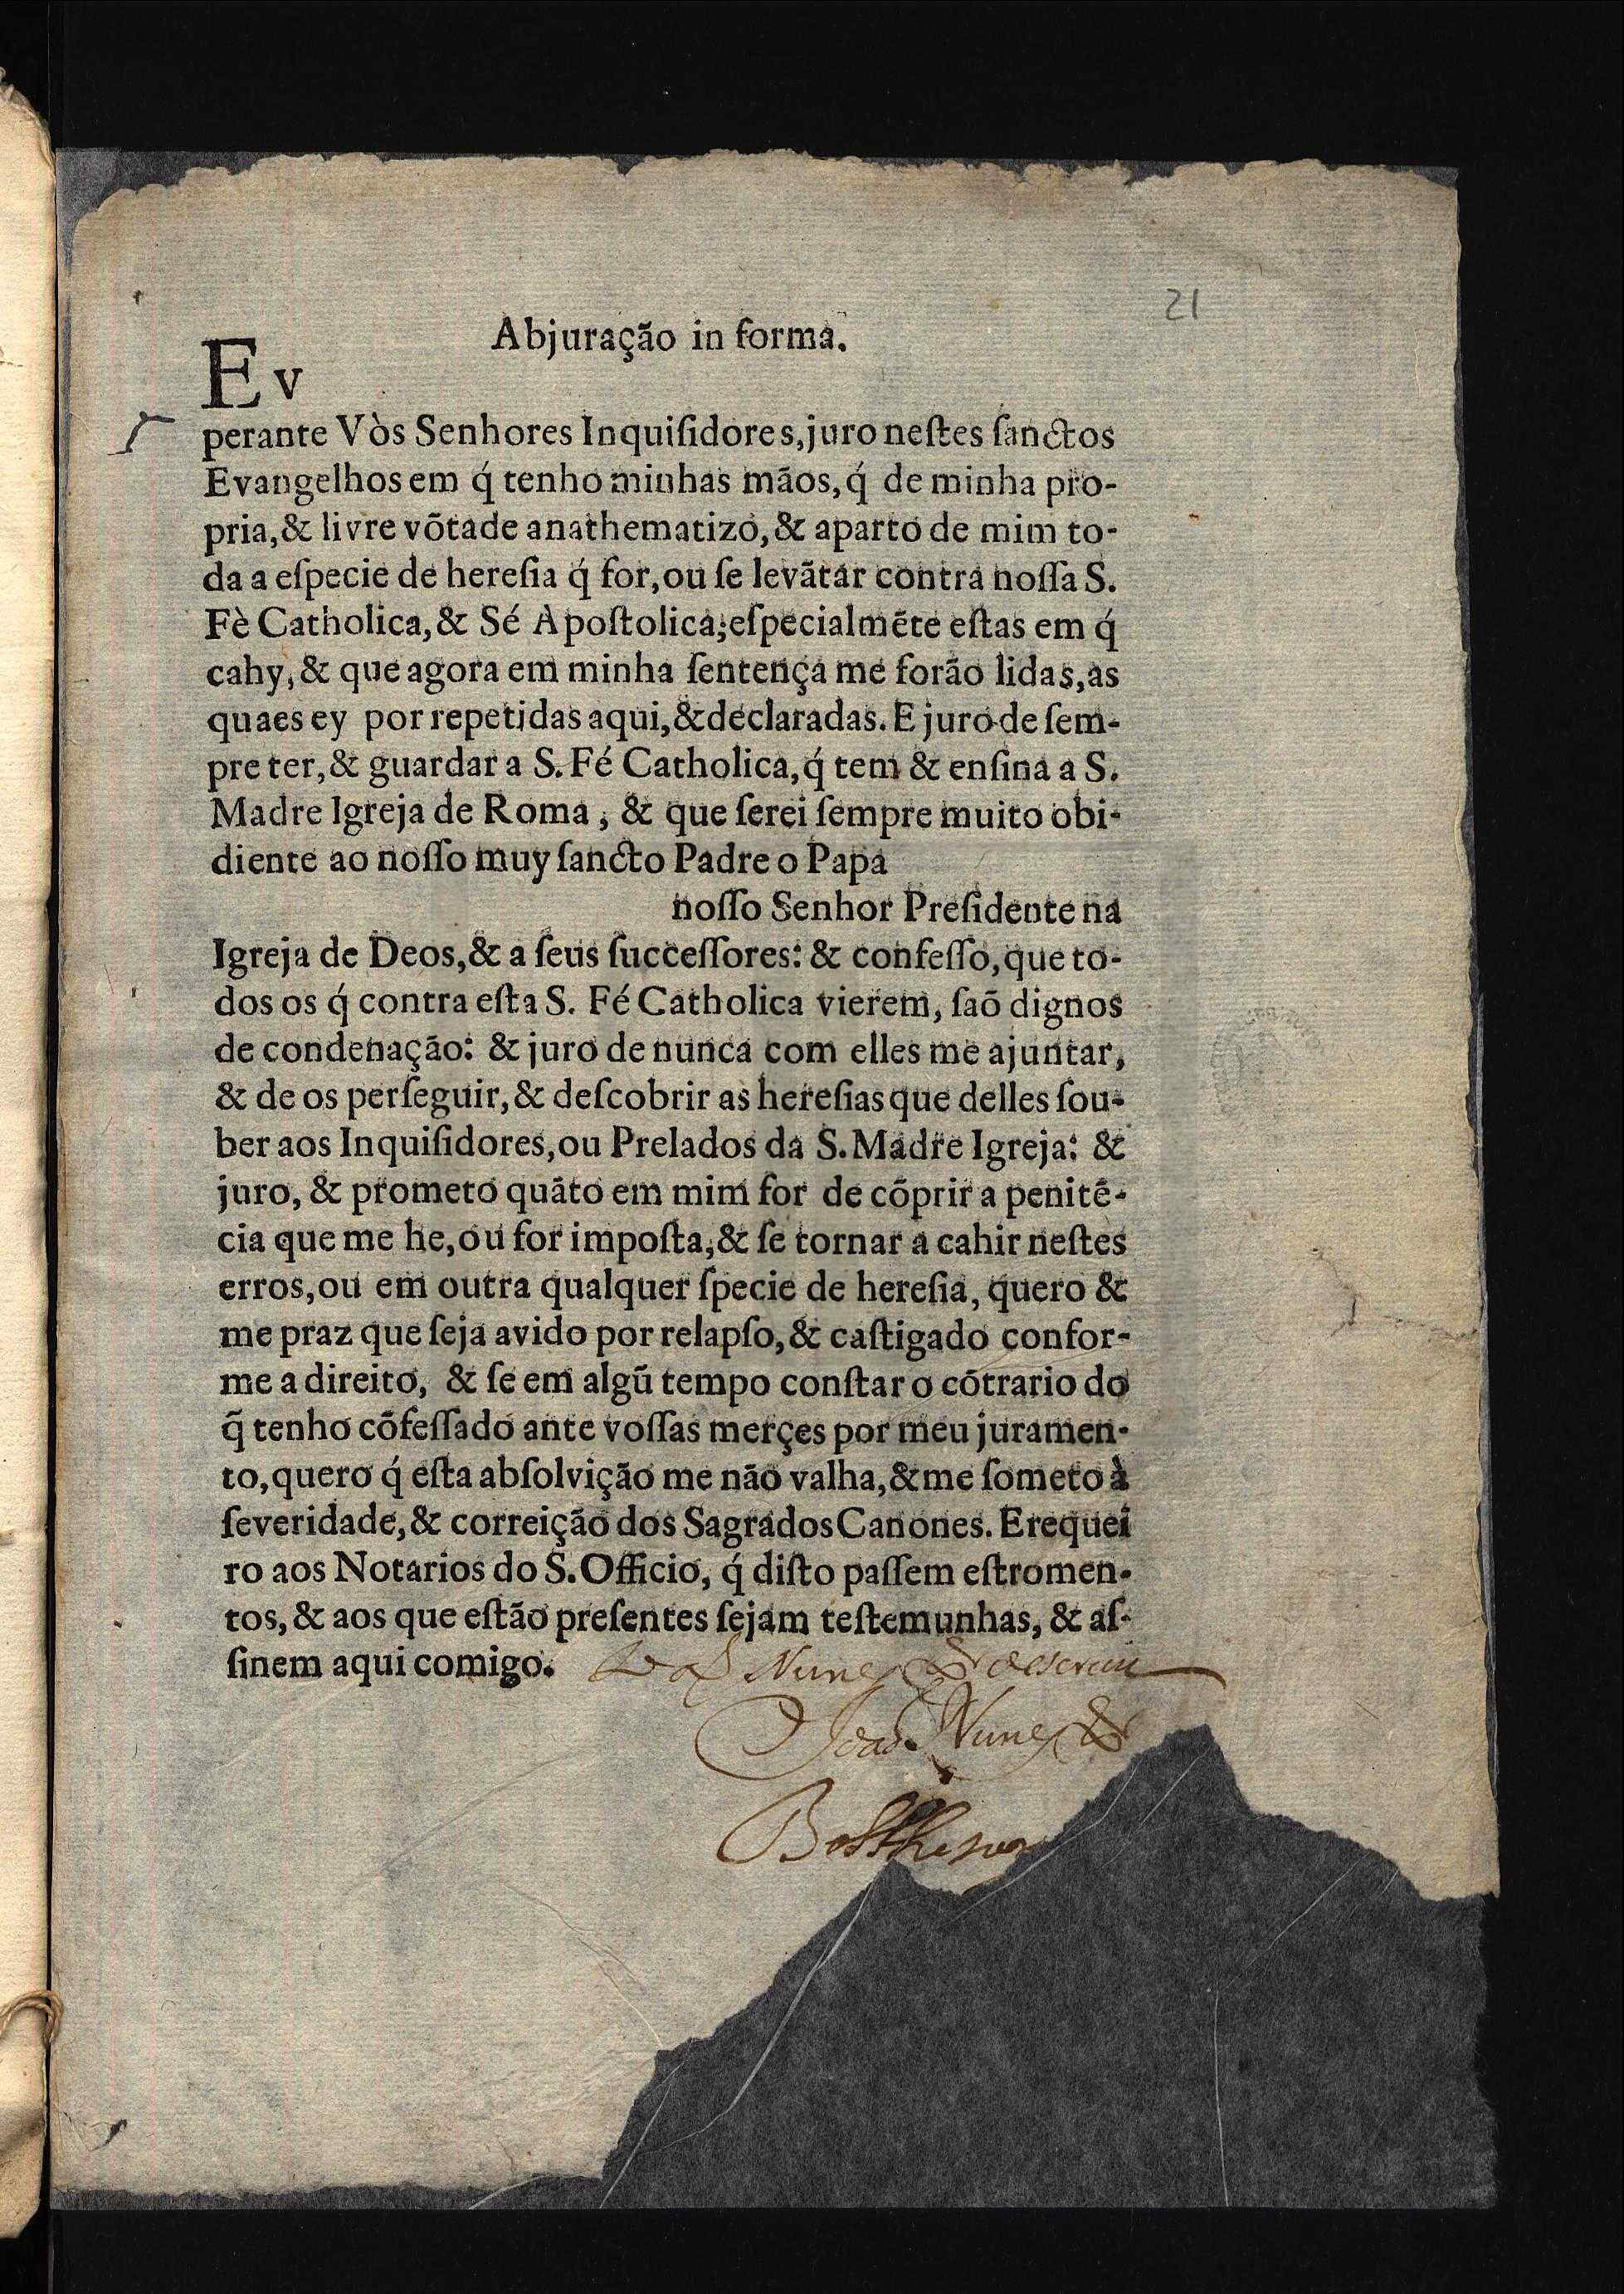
Abjuração in forma.
Ev
perante Vòs Senhores Inquisidores, juro nestes sanctos
Evangelhos em q̄ tenho minhas mãos, q̄ de minha pro
pria, & livre vōtade anathematizo, & aparto de mim to
da a especie de heresia q̄ for, ou se levātar contra nossa S.
Fè Catholica, & Sé Apostolica; especialmēte estas em q̄
cahy, & que agora em minha sentença me forão lidas, as
quaes ey por repetidas aqui, & declaradas. E juro de sem
pre ter, & guardar a S. Fé Catholica, q̄ tem & ensina a S.
Madre Igreja de Roma, & que serei sempre muito obi
diente ao nosso muy sancto Padre o Papa
nosso Senhor Presidente na
Igreja de Deos, & a seus successores: & confesso, que to
dos os q̄ contra esta S. Fé Catholica vierem, saõ dignos
de condenação: & juro de nunca com elles me ajuntar,
& de os perseguir, & descobrir as heresias que delles sou
ber aos Inquisidores, ou Prelados da S. Madre Igreja: &
juro, & prometo quāto em mim for de cōprir a penitē
cia que me he, ou for imposta, & se tornar a cahir nestes
erros, ou em outra qualquer specie de heresia, quero &
me praz que seja avido por relapso, & castigado confor
me a direito, & se em algū tempo constar o cōtrario do
q̄ tenho confessado ante vossas merçes por meu juramen
to, quero q̄ esta absolvição me não valha, & me someto à
severidade, & correição dos Sagrados Canones. E requei
ro aos Notarios do S. Officio, q̄ disto passem estromen
tos, & aos que estão presentes sejam testemunhas, & as
sinem aqui comigo.
Ioaõ Nunes Xer o escreui
Joaõ Nunes Xer
Balthesar
